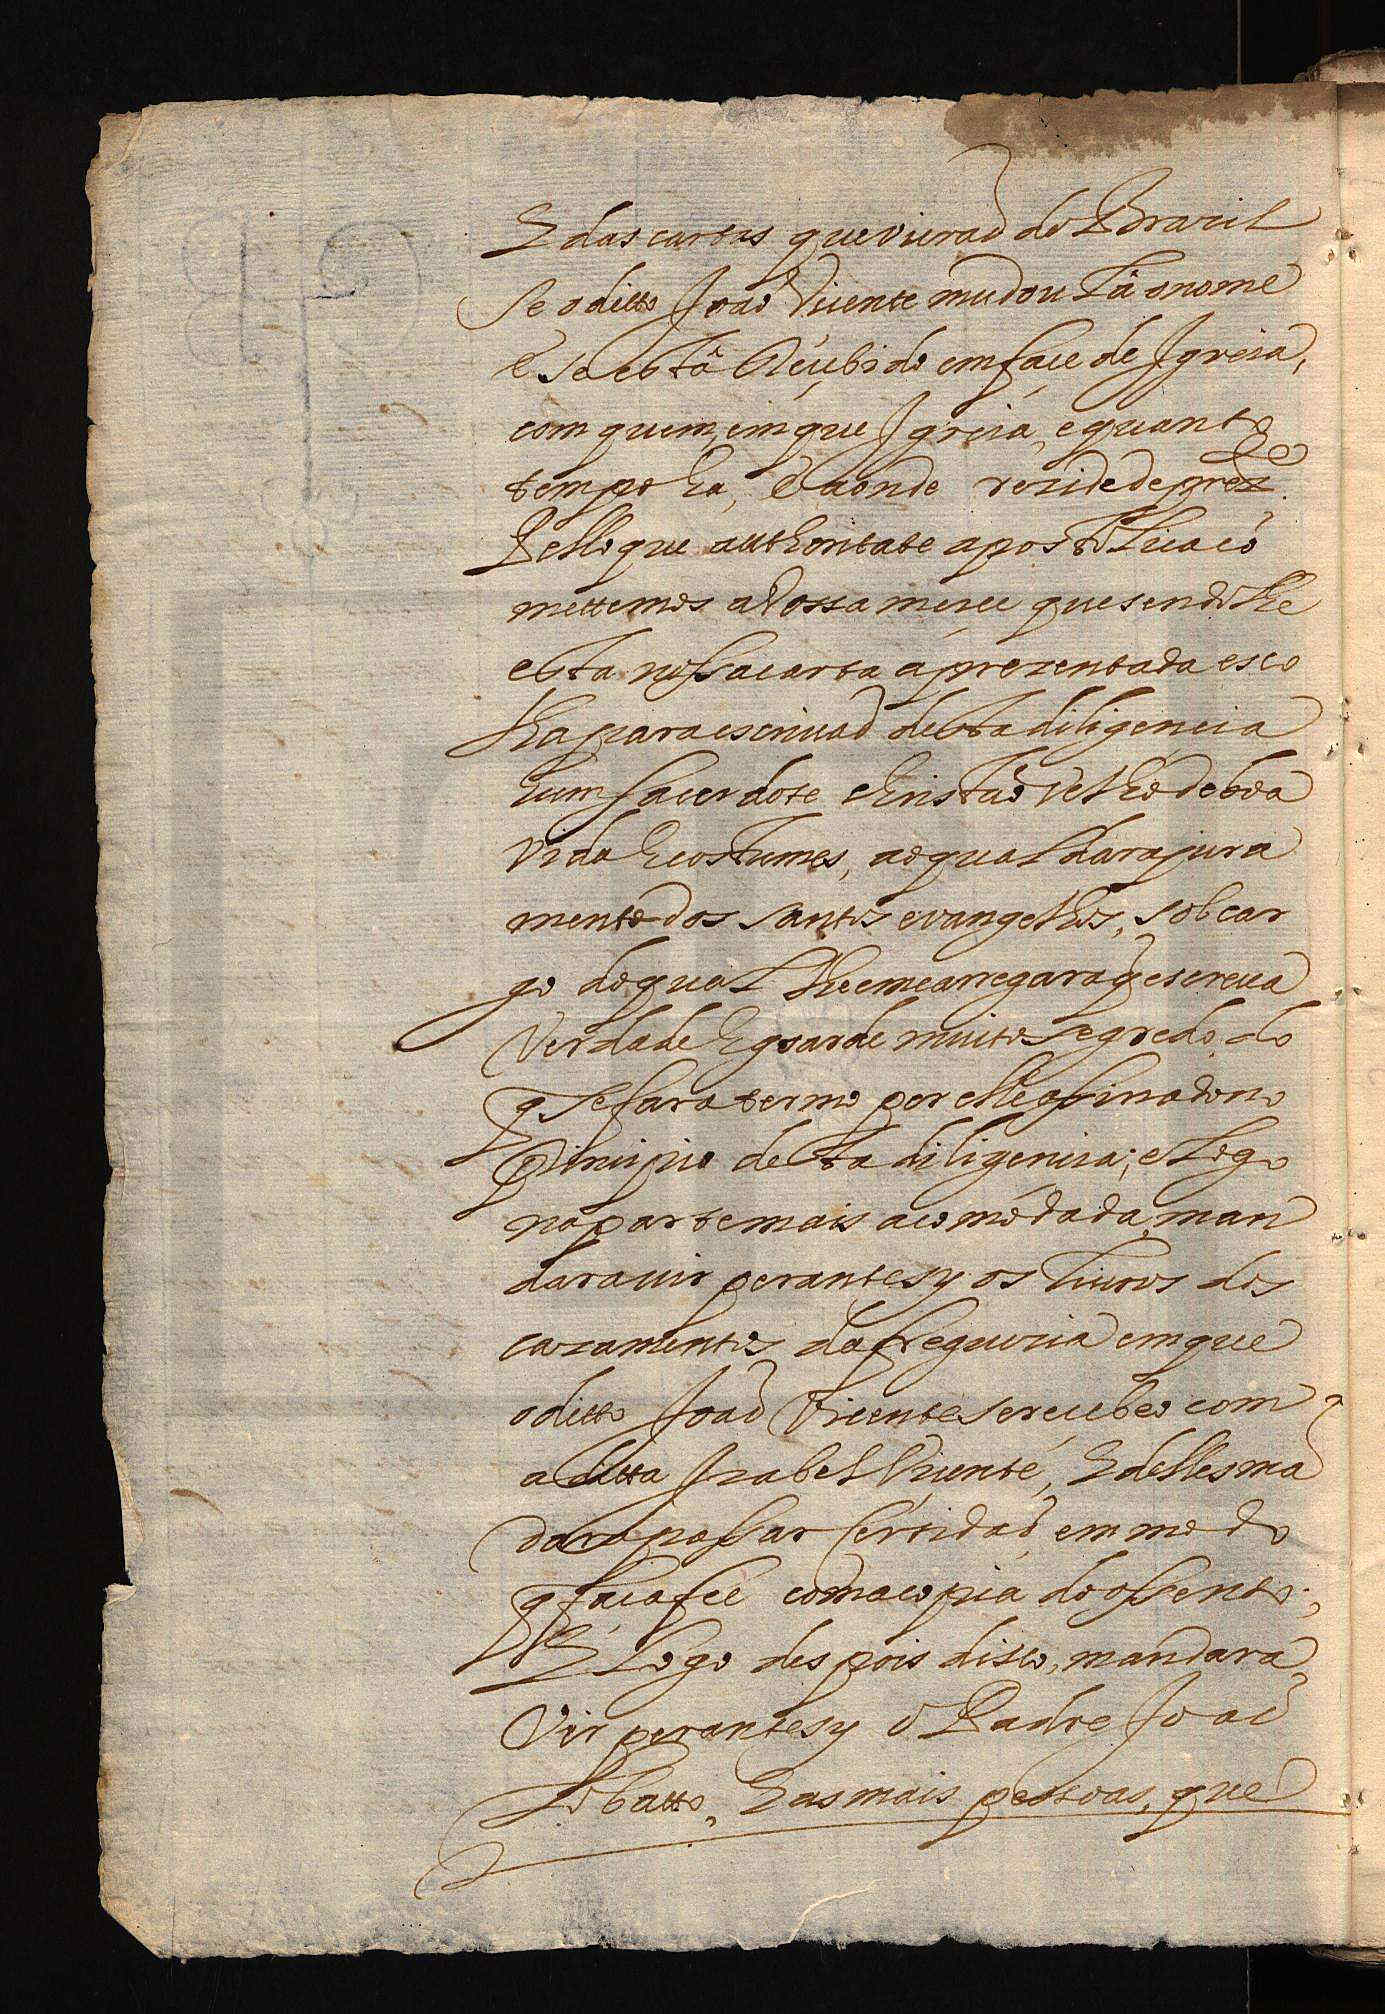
E das cartas que vieraõ do BraziL
se o ditto Joaõ Vicente mudou Lâ o nome
E se estâ Reçebido em façe de Jgreia,
com quem, em que Jgreia, e quanto
tempo ha, E aonde rezide de prez.te
Pello que authoritate apostoLica cō
mettemos a Vossa merçe que sendolhe
esta nossa carta aprezentada esco
lha para escriuão desta diligencia
hum Sacerdote christaõ velho de boa
vida E costumes, ao quaL dara jura
mento dos santos evangelhos, sob car
go do quaL lhe emcarregara q̄ escreua
Verdade E goarde muito segredo do
q̄ se fara termo por elle assinado no
principio desta diligençia; e Logo
na parte mais acomodada man
dara uir perante sy os Liuros dos
cazamentos da freguezia em que
o ditto João Vicente se reçebeo com
a ditta JsabeL Viçente, E delles mā
dara passar Certidão, em modo
q̄ faça fee com a copia do assento,
E Logo despois disso, mandara
Vir perante sy o Padre Joaõ
Lobatto, E as mais pessoas, que
